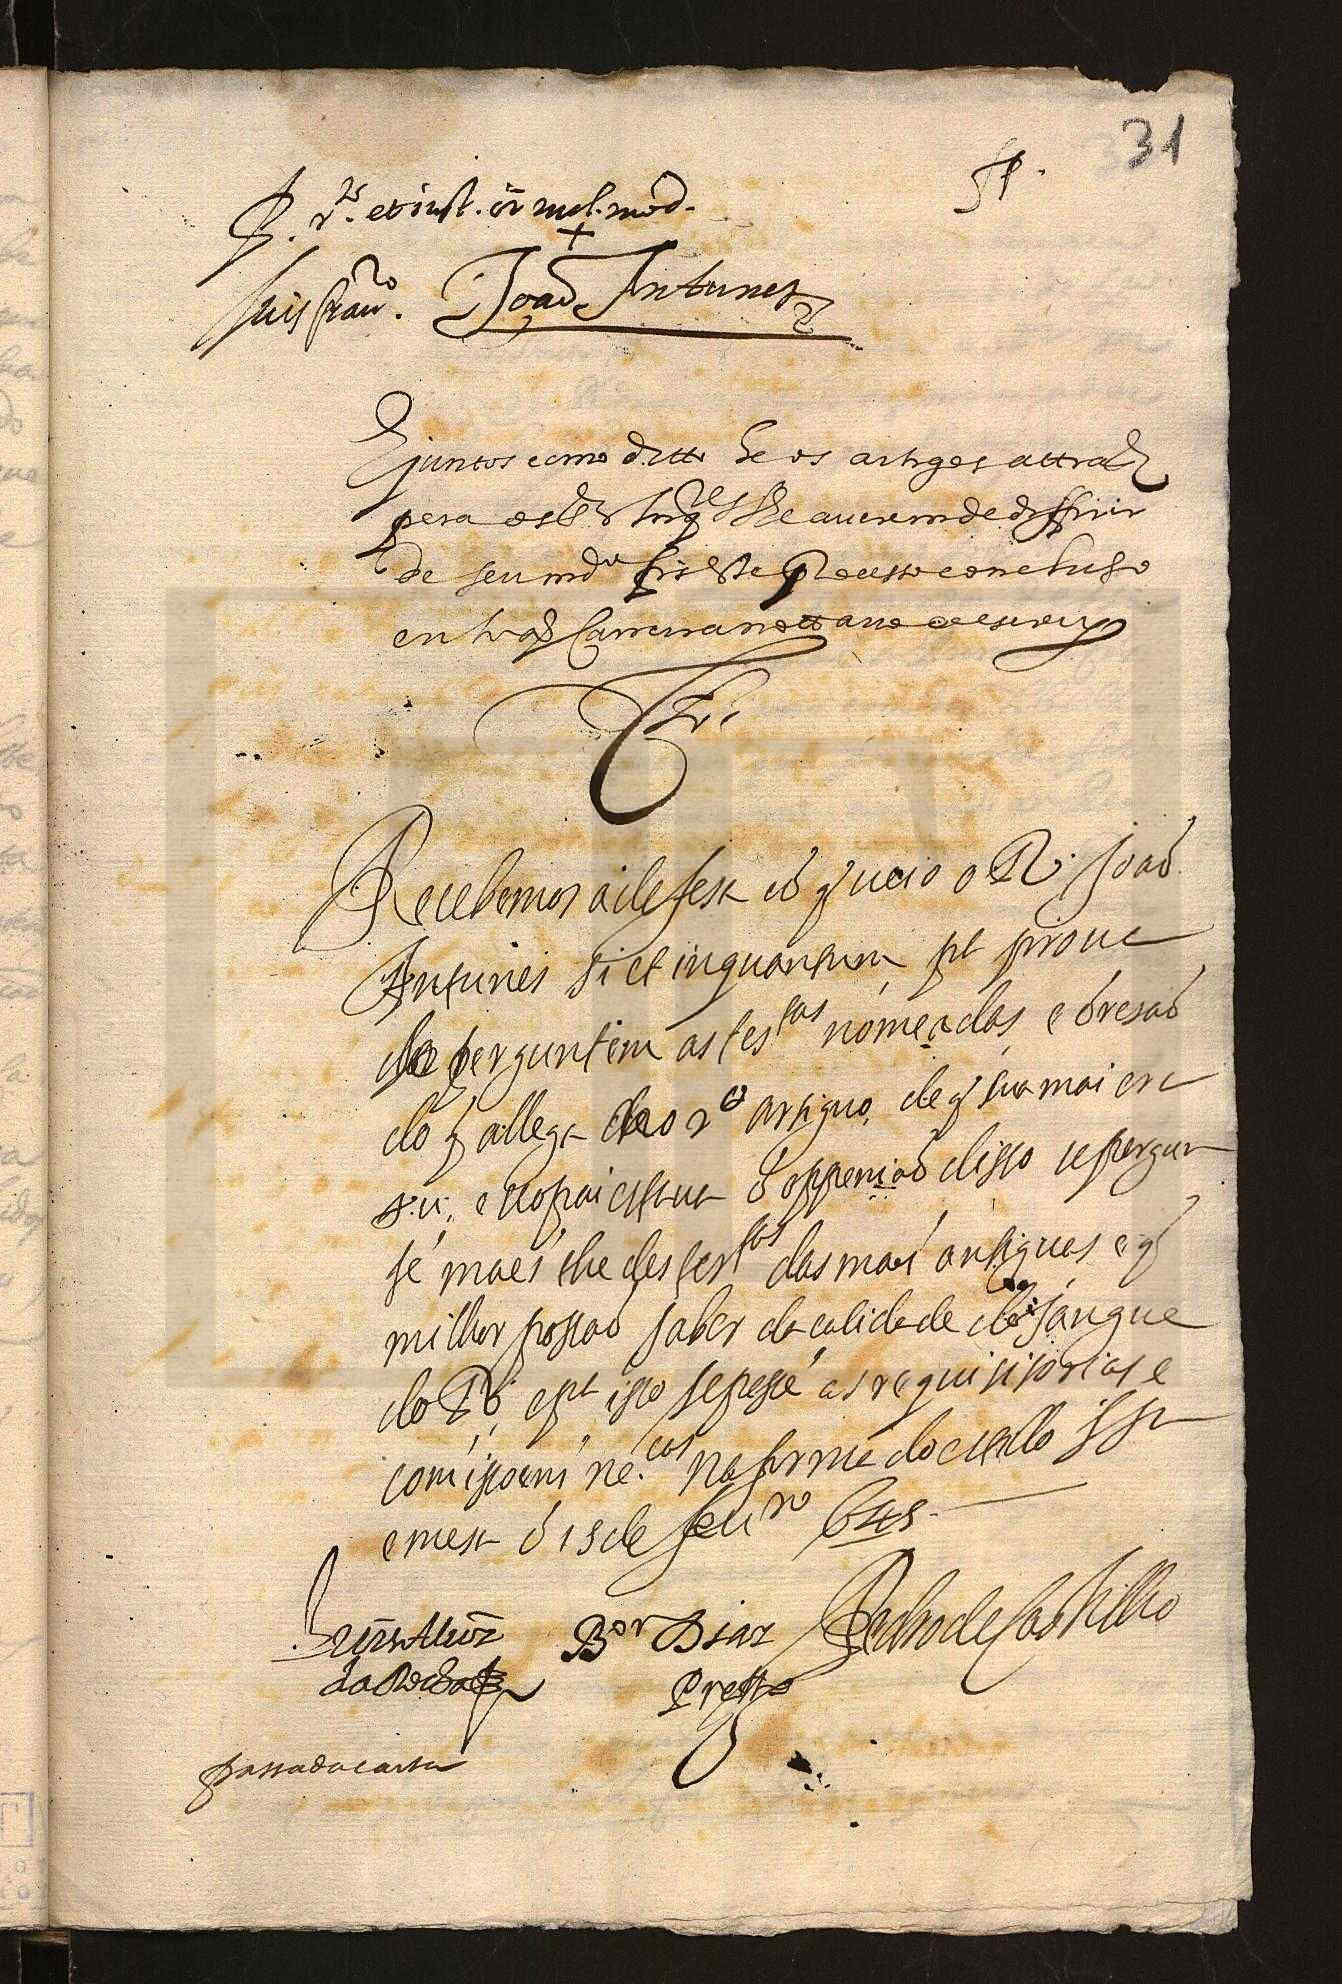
P. r.to et iust. or mel. mod.
Luis Crau.ro Joaõ Antunes
E juntos como ditto he os artigos attras
pera os ses Inqres lhe auerem de diffirir
de seu mdo fis este processo concluso
eu Ioaõ Carreira nottario o escreuj
Clo.
Recebemos a defesa cō q̄ ueio o R. Joaõ
Antunes si et in quantum, pa proua
se perguntem as testas nomeadas, e ē resaõ
do q̄ allega no 2o artiguo, de q̄ sua mai era
x. n., e seo pai estaua ē oppeniaõ disso se pergun
tē maes the des testas das mais antiguas e q̄
milhor possaõ saber da calidade do sangue
do R, e pa isso se passē as requisitorias e
comissoens ne.cas na forma do estillo Lxa
e mesa ē 15 de feuro 645.
Luis Aluz̄
da Rocha
Bor Diaz
Pretto
Pedro de Castilho
passada carta
